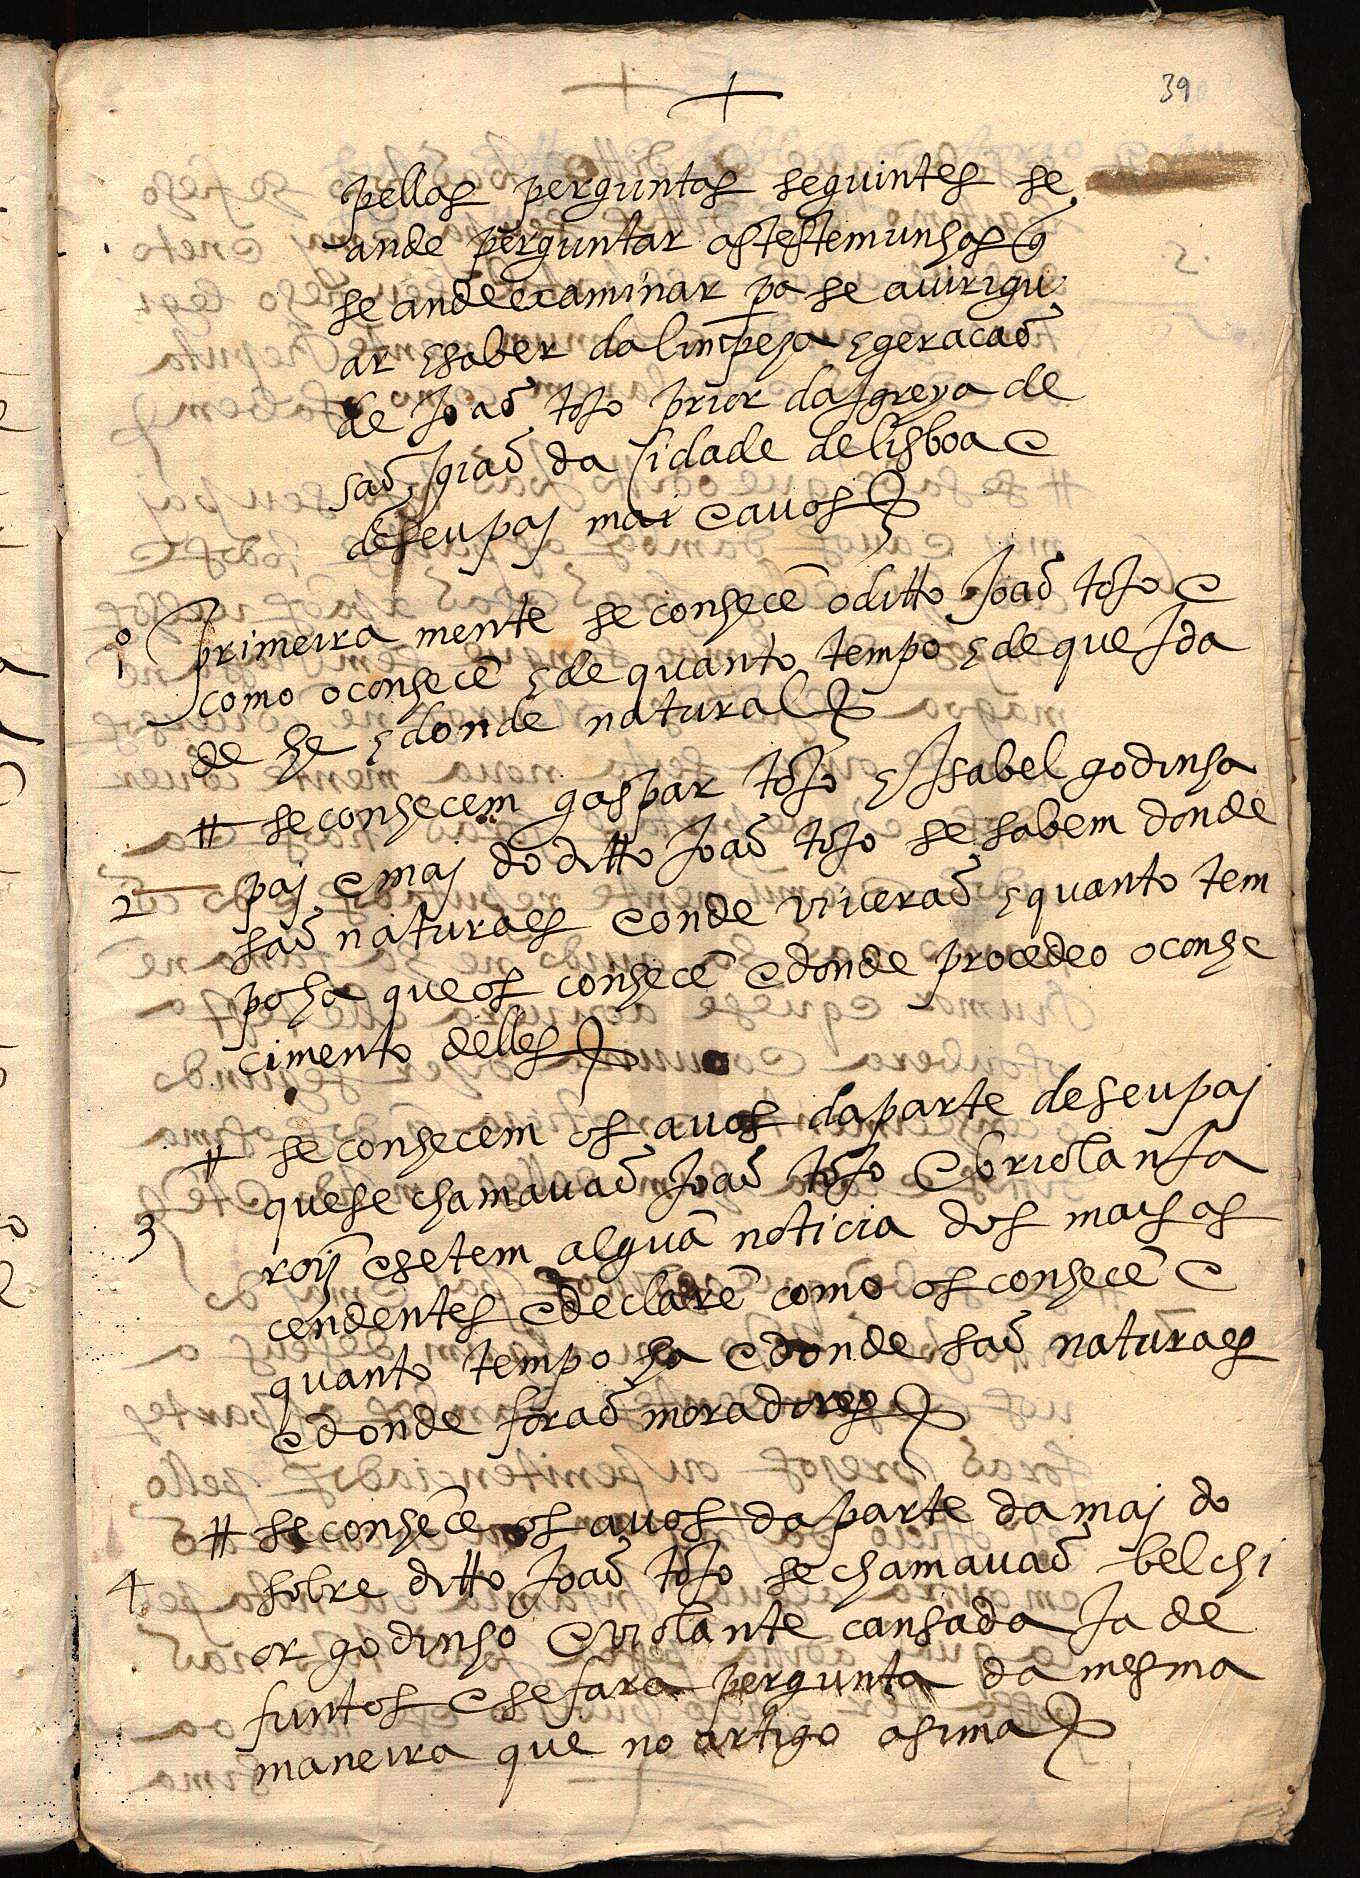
pellas perguntas seguintes se
ande perguntar as testemunhas q̄
se ande examinar ꝑa se auirigu
ar E saber da limpeza E geracaõ
de Joaõ tojo prior da Jgreya de
saõ giaõ da Cidade de lisboa e
de seu paj mai e auos
1o primeiramente se conhecē o ditto Joaõ tojo e
como o conhecē E de quanto tempo E de que Jda
de he E donde natural
item se conhecem gaspar tojo E Jsabel godinha
2 paj e maj do ditto Joaõ tojo se sabem donde
saõ naturaes e onde viueraõ E quanto tem
po ha que os conhecē e donde procedeo o conhe
cimento delles
item se conhecem os auos da parte de seu paj
3 que se chamauaõ Joaõ tojo e briolanJa
roiz̄ e se tem alguā noticia dos mais as
cendentes e declarē como os conhecē e
quanto tempo ha e donde saõ naturaes
e donde foraõ moradores
item se conhecē os auos da parte da maj do
4 sobreditto Joaõ toJo se chamauaõ belchi
or godinho e violante cansada Ja de
funtos e se fara pergunta da mesma
maneira que no artigo asima
